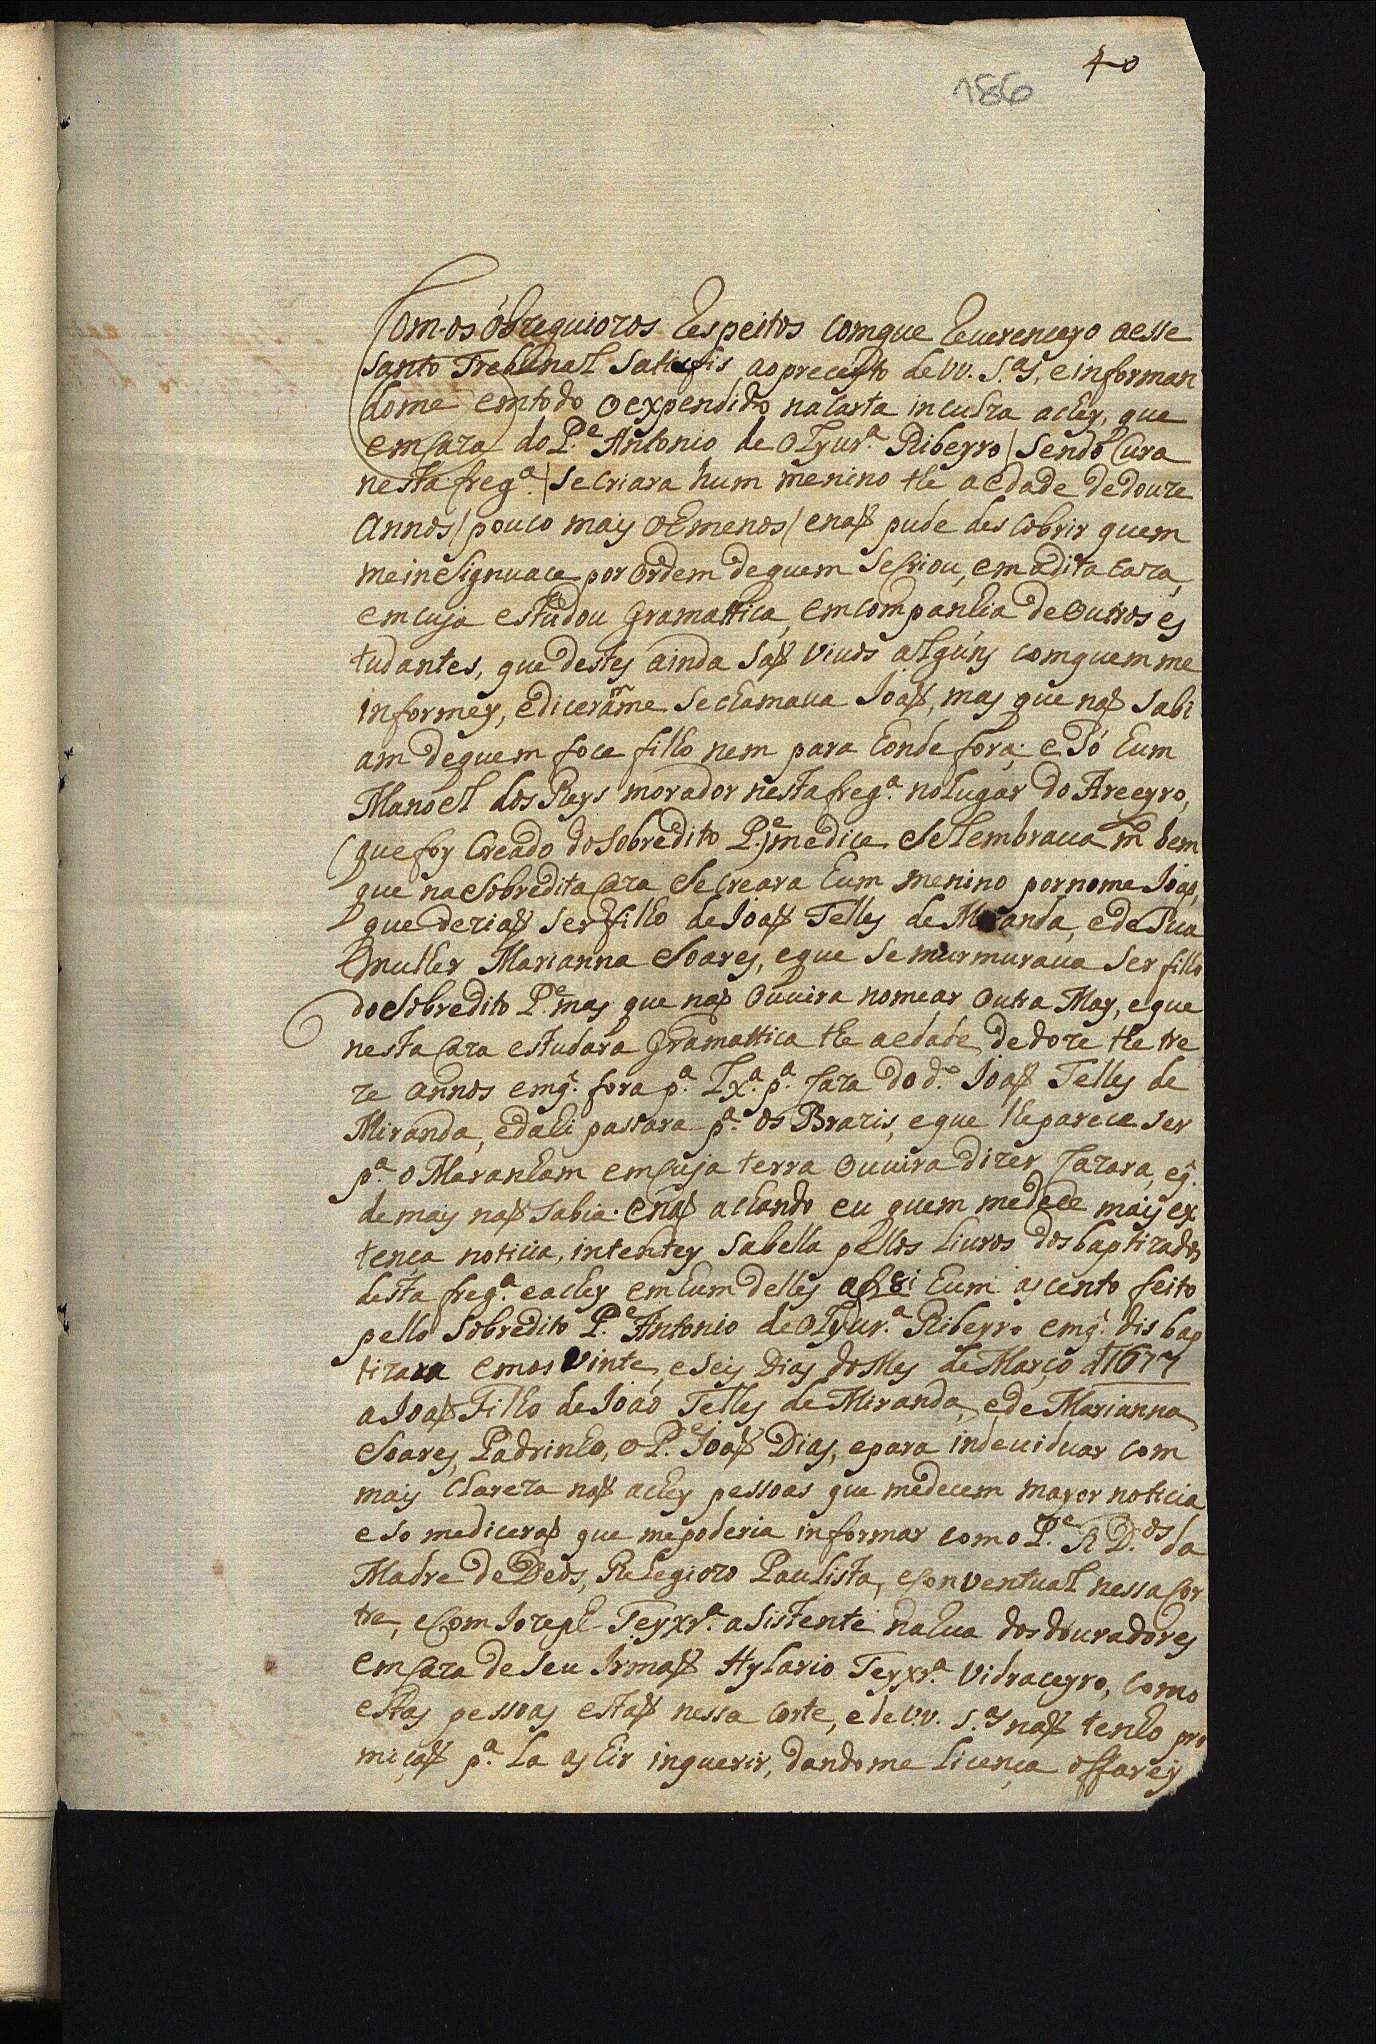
40
Com-os obzequiozos Respeitos com que Reuerenceyo a esse
santo Trebunal satisfis ao precepto de vv. S.as. e informan
dome em todo o expendido na carta inculza achey, que
em Caza do P.e Antonio de Olyur.a Ribeyro / sendo Cura
nesta freg.a / se criara hum menino the a edade de douze
annos / pouco mais oh menos / e naõ pude descobrir quem
me insignuace por ordem de quem se Criou, em a dita caza,
em cuja estudou Gramattica, em companhia de outros es
tudantes, que destes ainda saõ viuos algūns com quem me
informey, e diceramme se chamaua Ioaõ, mas que naõ sabi
am de quem foce filho nem para honde fora; e só hum
Manoel dos Reys morador nesta freg.a no Lugar do Areeyro,
(que foy Creado do sobredito P.)e me dice Se lembraua mto bem
que na Sobredita Caza Se creara hum menino por nome Ioaõ,
que deziaõ ser filho de Ioaõ Telles de M_randa, e de sua
mulher Marianna Soares, e que se murmuraua ser filho
do Sobredito P.e mas que naõ ouuira nomear outra May, e que
nesta Caza estudara Gramattica the a edade de doze the tre
ze annos em q̄ fora p.a Lx.a p.a Caza do d.o Ioaõ Telles de
Miranda, e dahi passara p.a os Brazis, e que lhe parece ser
p.a o Maranham em Cuja terra ouuira dizer Cazara, e q̄
de mais naõ sabia. e naõ achando eu quem me dece mais ex
tença noticia, intentey sabella pellos liuros dos baptizados
desta freg.a e achey em hum delles a fl 8i hum ascento feito
pello sobredito P.e Antonio de Olyur.a Ribeyro em q̄ dis bap
tizara em os vinte, e seis Dias do Mes de Março d̄ 1677
a Ioaõ Filho de Ioaõ Telles de Miranda, e de Marianna
Soares, Padrinho, o P.e Ioaõ Dias, e para indeuiduar com
mais clareza naõ achey pessoas que me decem mayor noticia
e so me diceraõ que me poderia informar com o P.e R. D.os da
Madre de Deos, Relegiozo Paulista, e conventual nessa Cor
tre, e Com Iozeph Teyxr.a asistente na Rua dos douradores
em Caza de seu Irmaõ Hylario Teyxr.a vidraceyro, como
estas pessoas estaõ nessa corte, e de vv. s.as naõ tenho pro
miçaõ p.a la as hir inquerir, dandome licença o ffarey
